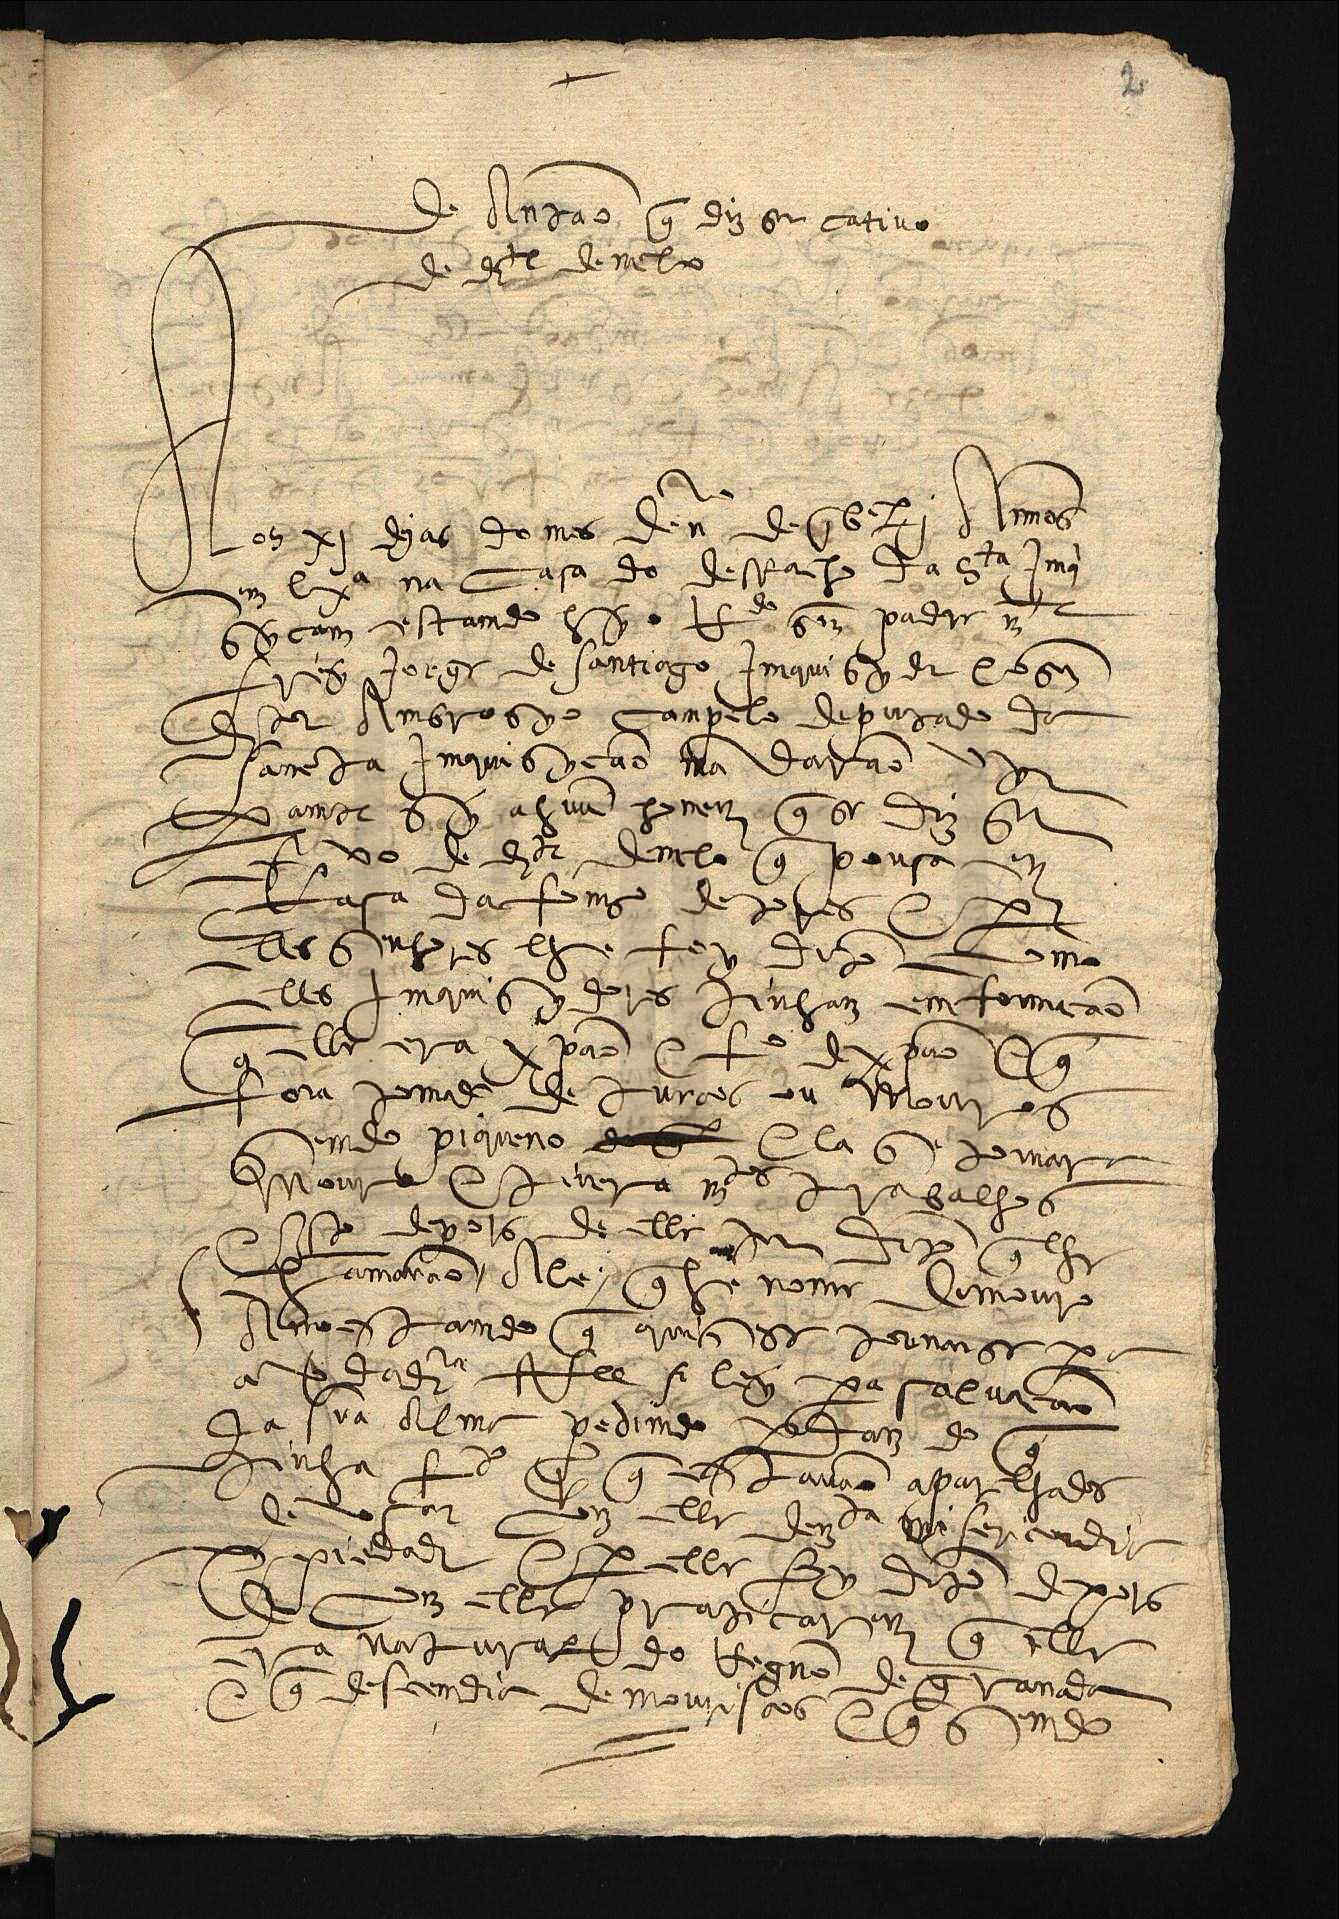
de Antão q̄ diz ser catiuo
de drte de melo
Aos xj dias do mes de nro de j̄bcLj Annos
em lxa na Casa do despacho da Sta Jmqi
syçam estamdo hy o Rdo s̄or padre mte
frey Jorge de Santiago Jmquisydor e o s̄or
dtor Ambrosyo campelo deputado da
Sancta Jmquisyção mādarão vyr
ꝑamte sy a hūu homem q̄ se diz ser
esp̄vo de drte de melo q̄ pousa em
Casa dafomso de tores e ꝑ
elles senhores lhe foy dit̄o Como
elles Jmquisydores tinham emformação
q̄ elle era xpão e fo de xpão e q̄
fora tomado de turcos ou mouros
semdo piqueno do q̄L e la se tornara
Mouro e tiuera mtos trabalhos
e Jsto depois de elle ter dito q̄ lhe
chamauão / Ale / q̄ he nome de mouro
Amoestamdo q̄ quisese tornarse ꝑa
a ꝟdadra ffee e ley ꝑa saluação
da sua Alma pedimdo ꝑdam do q̄
tinha fto p̄oq̄ estauão aparelhados
de vsar Com elle de mta misericordia
e piedade e ꝑ elle foy dit̄o depois
de Com elle praticarem q̄ elle
era natural do Regno de granada
e q̄ descemdia de mouriscos e q̄ semdo
